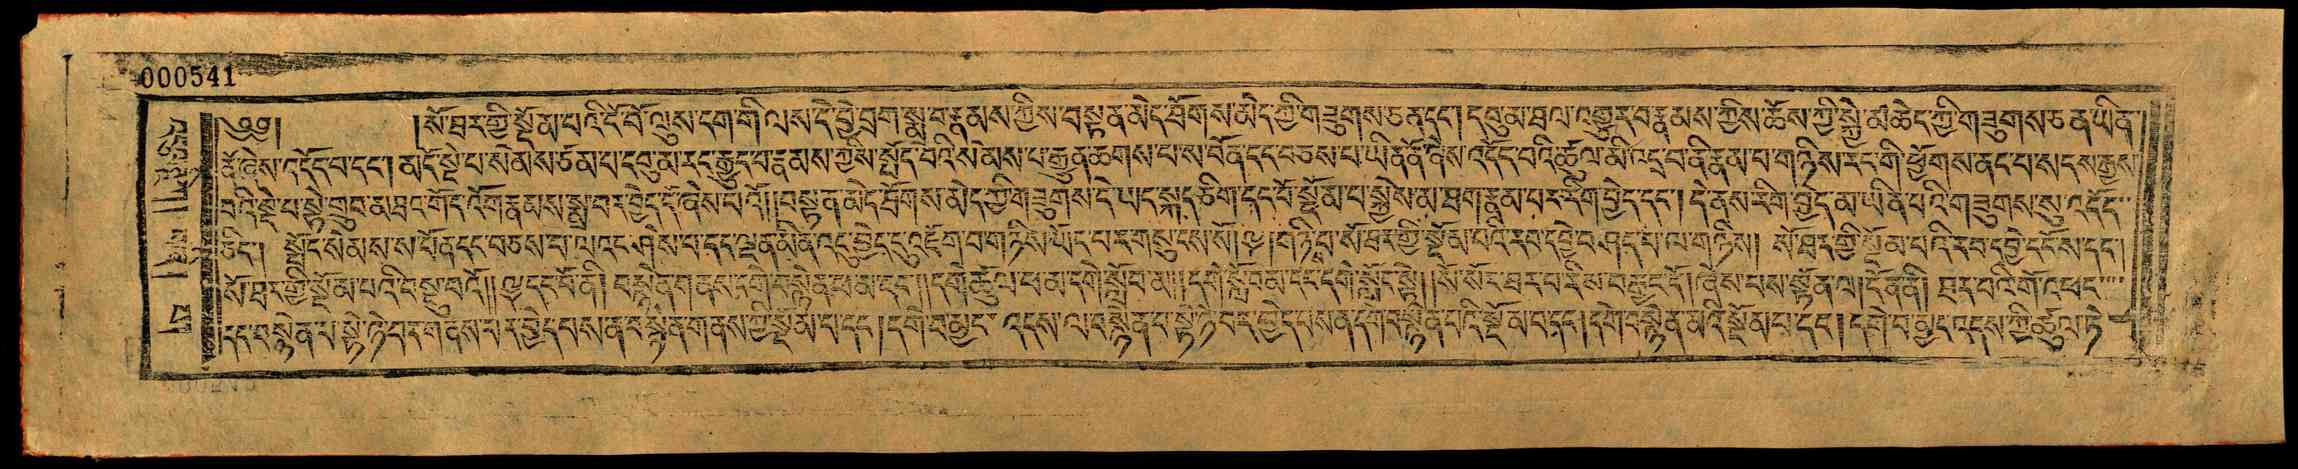༄༅། །སོ་ཐར་གྱི་སྡོམ་པའི་ངོ་བོ་ལུས་ངག་གི་ལས་དེ་བྱེ་བྲག་སྨྲ་བ་རྣམས་ཀྱིས་བསྟན་མེད་ཐོགས་མེད་ཀྱི་གཟུགས་ཅན་དང་། དབུ་མ་ཐལ་འགྱུར་བ་རྣམས་ཀྱིས་ཆོས་ཀྱི་སྐྱེ་མཆེད་ཀྱི་གཟུགས་ཅན་ཡིན་
ནོ་ཞེས་འདོད་པ་དང་། མདོ་སྡེ་པ་སེམས་ཙམ་པ་དབུ་མ་རང་རྒྱུད་པ་རྣམས་ཀྱིས་སྤོང་བའི་སེམས་པ་རྒྱུན་ཆགས་པ་ས་བོན་དང་བཅས་པ་ཡིན་ནོ་ཞེས་འདོད་པའི་ཚུལ་མི་འདྲ་བ་ནི་རྣམ་པ་གཉིས་རང་གི་ཕྱོགས་ནང་པ་སངས་རྒྱས་
པའི་སྡེ་པ་སྟེ་གྲུབ་མཐའ་གོང་འོག་རྣམས་སྨྲ་བར་བྱེད་དོ་ཞེས་པའོ། །བསྟན་མེད་ཐོགས་མེད་ཀྱི་གཟུགས་དེ་ཡང་སྐད་ཅིག་དང་པོ་སྡོམ་པ་སྐྱེས་མ་ཐག་རྣམ་པར་རིག་བྱེད་དང་། དེ་ནས་རིག་བྱེད་མ་ཡིན་པའི་གཟུགས་སུ་འདོད་
ཅིང་། སྤོང་སེམས་ས་བོན་དང་བཅས་པ་ལའང་ཤེས་པ་དང་ལྡན་མིན་འདུ་བྱེད་དུ་འཇོག་པ་གཉིས་ཡོད་པར་གསུངས་སོ། ༈ །གཉིས་པ་སོ་ཐར་གྱི་སྡོམ་པའི་རབ་དབྱེ་བཤད་པ་ལ་གཉིས། སོ་ཐར་གྱི་སྡོམ་པའི་རབ་དབྱེ་དངོས་དང་།
སོ་ཐར་གྱི་སྡོམ་པའི་བསྡུ་བའོ།། ༈ དང་པོ་ནི། བསྙེན་གནས་དགེ་བསྙེན་ཕ་མ་དང་། །དགེ་ཚུལ་ཕ་མ་དགེ་སློང་མ། །དགེ་སློང་མ་དང་དགེ་སློང་སྟེ། །སོ་སོར་ཐར་པ་རིས་བརྒྱད་དོ། ཞེས་པས་སྟོན་ལ། དོན་ནི། ཐར་པའི་གོ་འཕང་
དང་བསྙེན་པ་སྟེ་ཉེ་བར་གནས་པར་བྱེད་པས་ན་བསྙེན་གནས་ཀྱི་སྡོམ་པ་དང་། དགེ་བ་མྱང་འདས་ལ་བསྙེན་པ་སྟེ་ཉེ་བར་བྱེད་པས་ན་དགེ་བསྙེན་ཕའི་སྡོམ་པ་དང་། དགེ་བསྙེན་མའི་སྡོམ་པ་དང་། དགེ་བ་མྱང་འདས་ཀྱི་ཚུལ་ཏེ་